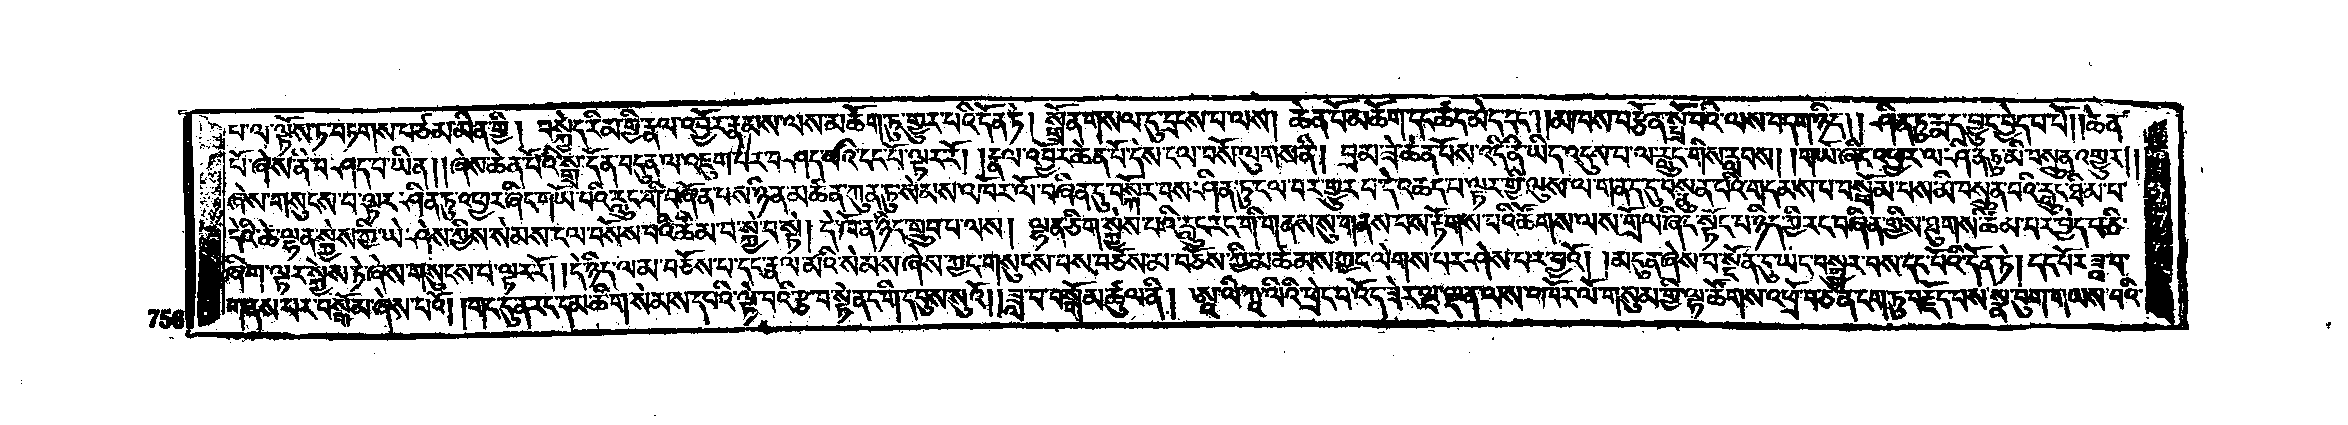པ་ལ་ལྟོས་ཏ་བཏགས་པ་ཙམ་མིན་གྱི། བསྐྱེད་རིམ་གྱི་རྣལ་འབྱོར་རྣམས་ལས་མཆོག་ཏུ་གྱུར་པའི་དོན་ཏེ། སྒྲོན་གསལ་དུ་དྲངས་པ་ལས། ཆེན་པོ་མཆོག་དང་ཚད་མེད་དང་། །མཁས་བརྩོན་སྤྲོ་བའི་ལས་བདག་ཉིད། །ཤིན་ཏུ་རྨད་བྱུང་བྱེད་པ་པོ། །ཆེན་
པོ་ཞེས་ནི་བཤད་པ་ཡིན། །ཞེས་ཆེན་པོའི་སྒྲ་དོན་བདུན་ལ་འཇུག་པར་བཤད་པའི་དང་པོ་ལྟར་རོ། །རྣལ་འབྱོར་ཆེན་པོ་དེས་ངལ་བསོ་ལུགས་ནི། བྲམ་ཟེ་ཆེན་པོས་འདི་ནི་ཡིད་འདུས་པ་ལ་རླུང་གིས་རླབས། །གཡོ་ཞིང་འཕྱར་ལ་ཤིན་ཏུ་མི་བསྲུན་འགྱུར། །
ཞེས་གསུངས་པ་ལྟར་ཤིན་ཏུ་འཕྱར་ཞིང་གཡོ་བའི་རླུང་གི་བཞོན་པས་ཉིན་མཚན་ཀུན་ཏུ་སེམས་འཁོར་ལོ་བཞིན་དུ་བསྐོར་བས་ཤིན་ཏུ་ངལ་བར་གྱུར་པ་དེ་འཆད་པ་ལྟར་གྱི་ལུས་ལ་གནད་དུ་བསྣུན་པའི་གདམས་པ་བསྒོམ་པས་མི་བསྲུན་པའི་རླུང་ཐིམ་པ་
དེའི་ཚེ་ལྷན་སྐྱེས་ཀྱི་ཡེ་ཤེས་ཀྱིས་སེམས་ངལ་བསོས་པའི་ཚིམ་པ་སྐྱེ་བ་སྟེ། དེ་ཁོ་ན་ཉིད་གྲུབ་པ་ལས། ལྷན་ཅིག་སྐྱེས་པའི་རླུང་རང་གི་གནས་སུ་གནས་པས་རྟོགས་པའི་ཚོགས་ལས་གྲོལ་ཞིང་སྟོང་པ་ཉིད་ཀྱི་རང་བཞིན་གྱིས་ཐུགས་ཚིམ་པར་བྱེད་པ་ཅི་
ཞིག་ལྟར་སྐྱེས་ཏེ་ཞེས་གསུངས་པ་ལྟར་རོ། །དེ་ཉིད་ལ་མ་བཅོས་པ་དང་རྣལ་མའི་སེམས་ཞས་ཀྱང་གསུངས་པས་བཅོས་མ་བཅོས་ཀྱི་མཚམས་ཀྱང་ལེགས་པར་ཤེས་པར་བྱའོ། །མདུན་ཞེས་པ་སྔོན་དུ་ཡང་བསྒྱུར་བས་དང་པོའི་དོན་ཏེ། དང་པོར་ཟླ་བ་
གནས་པར་བསྒོམ་ཞེས་པའོ། །གང་དུ་ན་རང་དམ་ཚིག་སེམས་དཔའི་ལྟེ་བའི་རྩ་བ་སྟེ་ནང་གི་དབུས་སུའོ། །ཟླ་བ་བསྒོམ་ཚུལ་ནི། ཨཱ་ལི་ཀཱ་ལིའི་ཕྲེང་བ་འོད་ཟེར་ལྔ་ལྡན་ལས་འཁོར་ལོ་གསུམ་གྱི་ལྷ་ཚོགས་འཕྲོ་བ་ཅན་ངག་ཏུ་བརྗོད་པས་སྣ་བུག་གཡས་པའི་